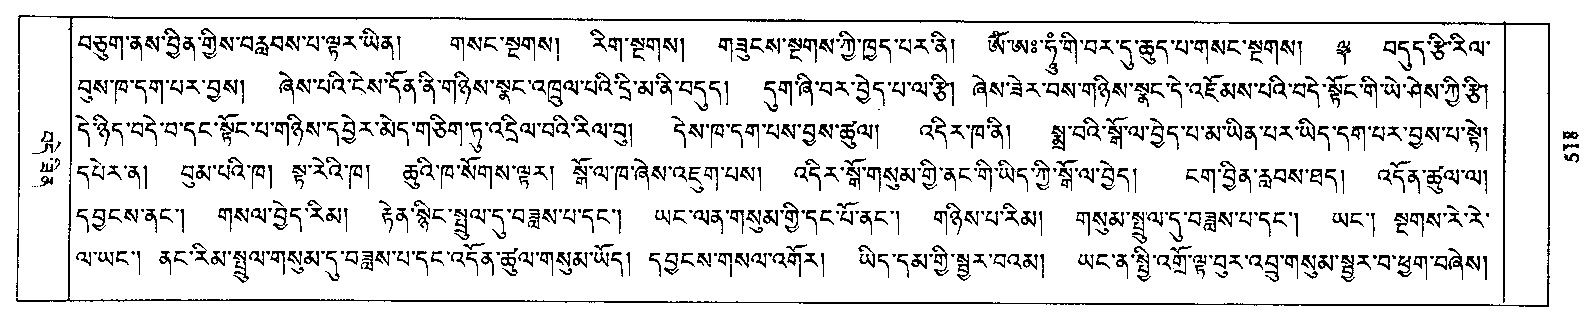བཅུག་ནས་བྱིན་གྱིས་བརླབས་པ་ལྟར་ཡིན། གསང་སྔགས། རིག་སྔགས། གཟུངས་སྔགས་ཀྱི་ཁྱད་པར་ནི། ཨོཾ་ཨཿ ཧཱུཾ་གི་བར་དུ་ཆུད་པ་གསང་སྔགས། ༈ བདུད་རྩི་རིལ་
བུས་ཁ་དག་པར་བྱས། ཞེས་པའི་ངེས་དོན་ནི་གཉིས་སྣང་འཁྲུལ་པའི་དྲི་མ་ནི་བདུད། དུག་ཞི་བར་བྱེད་པ་ལ་རྩི། ཞེས་ཟེར་བས་གཉིས་སྣང་དེ་འཇོམས་པའི་བདེ་སྟོང་གི་ཡེ་ཤེས་ཀྱི་རྩི།
དེ་ཉིད་བདེ་བ་དང་སྟོང་པ་གཉིས་དབྱེར་མེད་གཅིག་ཏུ་འདྲིལ་བའི་རིལ་བུ། དེས་ཁ་དག་པས་བྱས་ཚུལ། འདིར་ཁ་ནི། སྨྲ་བའི་སྒོ་ལ་བྱེད་པ་མ་ཡིན་པར་ཡིད་དག་པར་བྱས་པ་སྟེ།
དཔེར་ན། བུམ་པའི་ཁ། སྟ་རེའི་ཁ། ཆུའི་ཁ་སོགས་ལྟར། སྒོ་ལ་ཁ་ཞེས་འཇུག་པས། འདིར་སྒོ་གསུམ་གྱི་ནང་གི་ཡིད་ཀྱི་སྒོ་ལ་བྱེད། ངག་བྱིན་རླབས་ཐད། འདོན་ཚུལ་ལ།
དབྱངས་ནང་། གསལ་བྱེད་རིམ། རྟེན་སྙིང་སྤྲུལ་དུ་བཟླས་པ་དང་། ཡང་ལན་གསུམ་གྱི་དང་པོ་ནང་། གཉིས་པ་རིམ། གསུམ་སྤྲུལ་དུ་བཟླས་པ་དང་། ཡང་། སྔགས་རེ་རེ་
ལ་ཡང་། ནང་རིམ་སྤྲུལ་གསུམ་དུ་བཟླས་པ་དང་འདོན་ཚུལ་གསུམ་ཡོད། དབྱངས་གསལ་འགོར། ཡིད་དམ་གྱི་སྦྱར་བའམ། ཡང་ན་སྤྱི་འགྲོ་ལྟ་བུར་འབྲུ་གསུམ་སྦྱར་བ་ཕྱག་བཞེས།